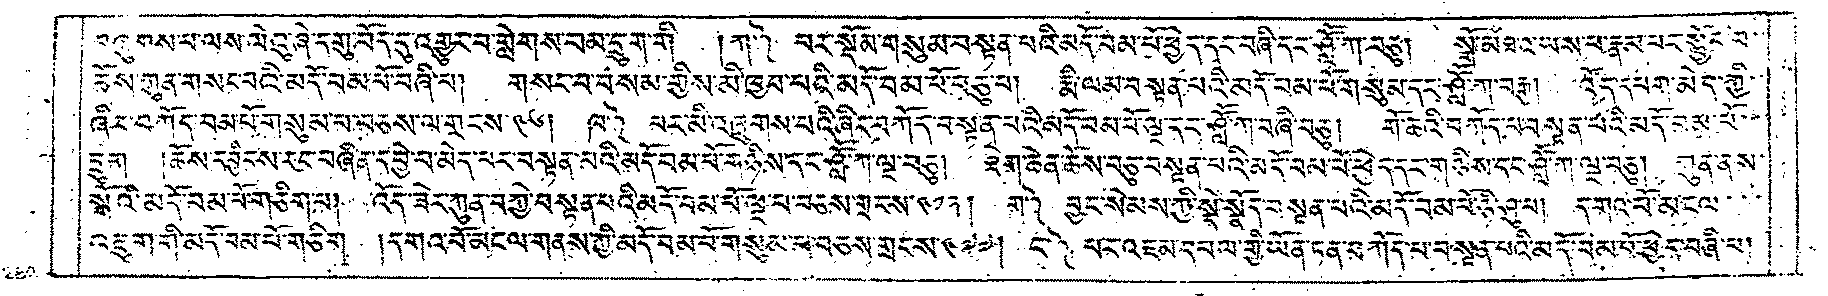བཞུགས་པ་ལས་ལེའུ་ཞེ་དགུ་བོད་དུ་འགྱུར་བ་གླེགས་བམ་དྲུག་གི །ཀ་པར་སྡོམ་གསུམ་བསྟན་པའི་མདོ་བམ་པོ་ཕྱེད་དང་བཞི་དང་ཤླཽ་ཀ་བཅུ། སྒོ་མཐའ་ཡས་པ་རྣམ་པར་སྦྱོང་བ་
ཆོས་ཀུན་གསང་བའི་མདོ་བམ་པོ་བཞི་པ། གསང་བ་བསམ་གྱིས་མི་ཁྱབ་པའི་མདོ་བམ་པོ་བཅུ་པ། རྨི་ལམ་བསྟན་པའི་མདོ་བམ་པོ་གསུམ་དང་ཤླཽ་ཀ་བརྒྱ། འོད་དཔག་མེད་ཀྱི་
ཞིང་བཀོད་བམ་པོ་གསུམ་པ་བཅས་ལ་གྲངས ༤༦། ཁ་པར་མི་འཁྲུགས་པའི་ཞིང་བཀོད་བསྟན་པའི་མདོ་བམ་པོ་ལྔ་དང་ཤླཽ་ཀ་བཞི་བཅུ། གོ་ཆའི་བཀོད་པ་བསྟན་པའི་མདོ་བམ་པོ་
དྲུག །ཆོས་དབྱིངས་རང་བཞིན་དབྱེ་བ་མེད་པར་བསྟན་པའི་མདོ་བམ་པོ་གཉིས་དང་ཤླཽ་ཀ་ལྔ་བཅུ། ཐེག་ཆེན་ཆོས་བཅུ་བསྟན་པའི་མདོ་བམ་པོ་ཕྱེད་དང་གཉིས་དང་ཤླཽ་ཀ་ལྔ་བཅུ། ཀུན་ནས་
སྒོའི་མདོ་བམ་པོ་གཅིག་པ། འོད་ཟེར་ཀུན་བཀྱེ་བསྟན་པའི་མདོ་བམ་པོ་ལྔ་པ་བཅས་གྲངས ༤༡༢། ག་བྱང་སེམས་ཀྱི་སྡེ་སྣོད་བསྟན་པའི་མདོ་བམ་པོ་ཉི་ཤུ་པ། དགའ་བོ་མངལ་
འཇུག་གི་མདོ་བམ་པོ་གཅིག །དགའ་བོ་མངལ་གནས་ཀྱི་མདོ་བམ་པོ་གསུམ་པ་བཅས་གྲངས ༤༧༧། ང་པར་འཇམ་དཔལ་གྱི་ཡོན་ཏན་བཀོད་པ་བསྟན་པའི་མདོ་བམ་པོ་ཕྱེད་བཞི་པ།